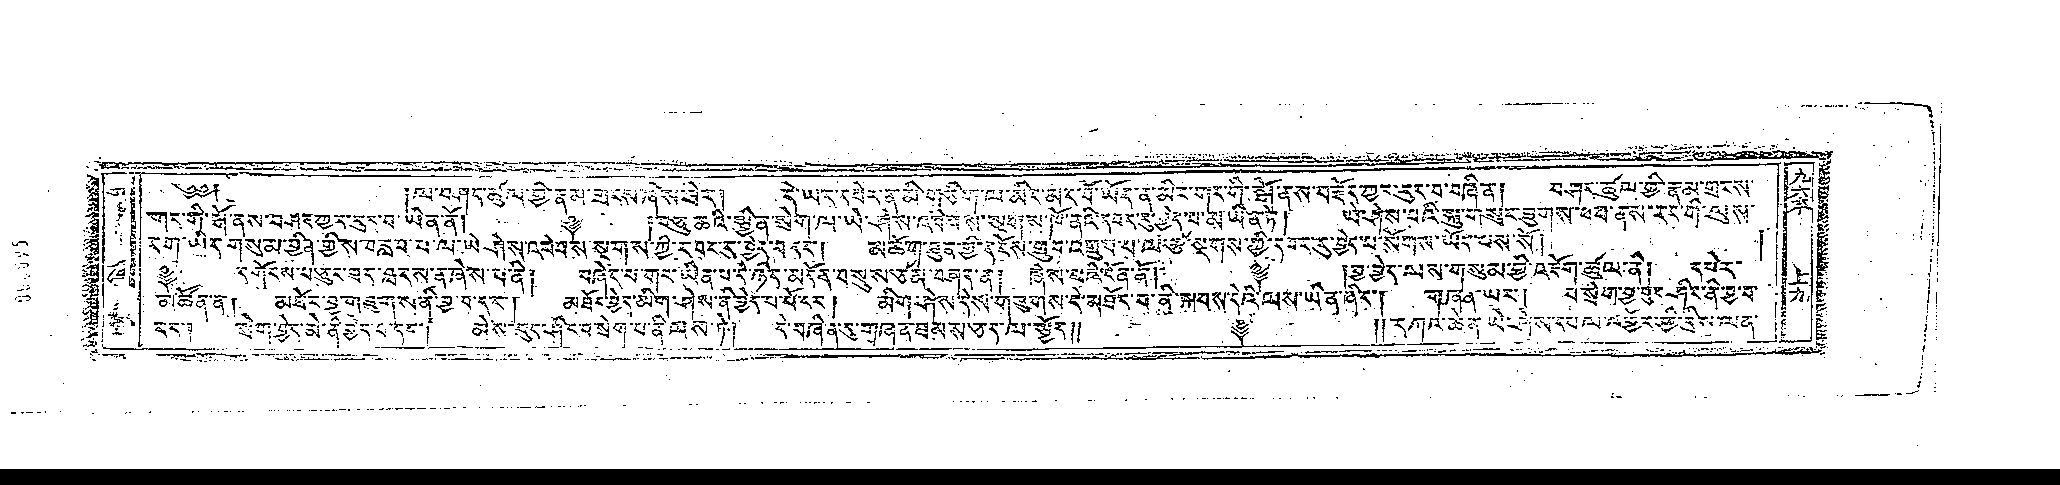༄༅། །ལ་བཤད་ཚུལ་གྱི་རྣམ་གྲངས་ཞེས་ཟེར། དེ་ཡང་དཔེར་ན་མི་གཅིག་ལ་མིང་མང་པོ་ཡོད་ན་མིང་གང་གི་སྒོ་ནས་བརྗོད་ཀྱང་རུང་བ་བཞིན། བཤད་ཚུལ་གྱི་རྣམ་གྲངས་
གང་གི་སྒོ་ནས་བཤད་ཀྱང་རུང་བ་ཡིན་ནོ། ༈ །བཅུ་ཆའི་སྤྱིན་སྲེག་ལ་ཡེ་ཤེས་འབེབས་སྔགས་ཁོ་ནའི་དབང་དུ་བྱེད་པ་མ་ཡིན་ཏེ། ཡེ་ཤེས་པའི་སྐུ་གསུང་ཐུགས་ཕབ་ནས་རང་གི་ལུས་
དག་ཡིད་གསུམ་བྱིན་གྱིས་བརླབ་པ་ལ་ཡེ་ཤེས་འབེབས་སྔགས་ཀྱི་དབང་དུ་བྱེད་པ་དང་། མཆོག་ཐུན་གྱི་དངོས་གྲུབ་འགྲུབ་པ་ལ་རྩ་སྔགས་ཀྱི་དབང་དུ་བྱེད་པ་སོགས་ཡོད་བས་སོ། །
༈ དགོངས་པ་ཅུང་ཟད་བླངས་ན་ཞེས་པ་ནི། བཞེད་པ་གང་ཡིན་པ་དེ་ཉིད་མདོར་བསྡུས་ཙམ་བཤད་ན། ཞེས་པའི་དོན་ནོ། ༈ །བྱ་བྱེད་ལས་གསུམ་གྱི་འཇོག་ཚུལ་ནི། དཔེར་
མཚོན་ན། མཐོང་བྱ་གཟུགས་ནི་བྱ་བ་དང་། མཐོང་བྱེད་མིག་ཤེས་ནི་བྱེད་པ་པོ་དང་། མིག་ཤེས་དེས་གཟུགས་དེ་མཐོང་པ་ནི་སྐབས་དེའི་ལས་ཡིན་ཞིང་། གཞན་ཡང་། བསྲེག་བྱ་བུང་ཤིང་ནི་བྱ་བ་
དང་། སྲེག་བྱེད་མེ་ནི་བྱེད་པ་དང་། མེས་བུད་ཤིང་བསྲེག་པ་ནི་ལས་ཏེ། དེ་བཞིན་དུ་གནན་ཐམས་ཅད་ལ་སྤྱོ།། ༈ །།དཀའ་ཆེན་ཡེ་ཤེས་དཔལ་འབྱོར་གྱི་དྲིས་ལན་